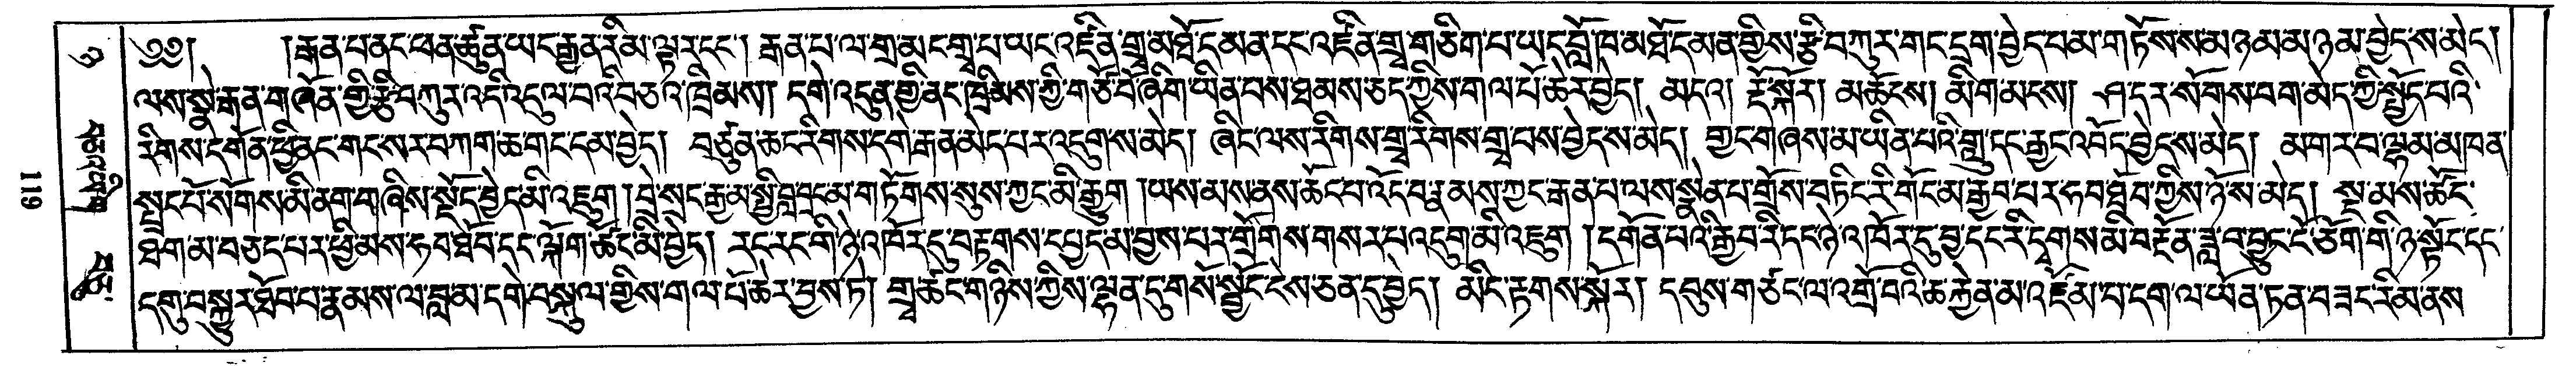༄༅། །རྒན་པ་ནང་ཕན་ཚུན་ཡང་རྒན་རིམ་ལྟར་དང་། རྒན་པ་ལ་གྲྭ་མང་གྲྭ་པ་ཡང་འཛིན་གྲྭ་མཐོ་དམན་དང་འཛིན་གྲྭ་གཅིག་པ་ཡང་བློ་ཁ་མཐོ་དམན་གྱིས་རྩི་བཀུར་གང་དྲག་བྱེད་པ་མ་གཏོགས་མཉམ་མཉམ་བྱེད་ས་མེད།
ལས་སྣེ་རྒན་གཞོན་གྱི་རྩི་བཀུར་འདི་འདུལ་བའི་བཅའ་ཁྲིམས། དགེ་འདུན་གྱི་ནང་ཁྲིམས་ཀྱི་གཙོ་བོ་ཞིག་ཡིན་པས་ཐམས་ཅད་ཀྱིས་གལ་པོ་ཆེར་བྱེད། མདའ། རྡོ་སྐོར། མཆོངས། མིག་མངས། ཤ་ད་ར་སོགས་བག་མེད་ཀྱི་སྤྱོད་པའི་
རིགས་དགོན་ཕྱི་ནང་གང་སར་བཀག་ཆ་གང་དམ་བྱེད། བཙུན་ཆུང་རིགས་དགེ་རྒན་མེད་པར་འདུག་ས་མེད། ཞིང་ལས་རིགས་གྲྭ་རིགས་གྲྭ་པས་བྱེད་ས་མེད། གྱང་གཞས་མ་ཡིན་པའི་གླུ་དང་རྒྱང་འབོད་བྱེད་ས་མེད། མགར་བ་ལྷམ་མཁན་
སྤྲང་པོ་སོགས་མི་ནག་གཞིས་སྡོད་བྱེད་མི་འཇུག །བྲེ་སྲང་རྒྱ་མ་སྤྱི་བླ་བྲང་མ་གཏོགས་སུས་ཀྱང་མི་རྒྱུག །ཡས་མས་ནས་ཚོང་བ་འོང་བ་རྣམས་ཀྱང་རྒན་པ་ལས་སྣེ་ནས་གྲོས་བཏིང་རི་གོང་མ་རྒྱབ་པར་ཧབ་ཐོབ་ཀྱིས་ཉོ་ས་མེད། སྔ་མས་ཚོད་
ཐག་མ་བཅད་པར་ཕྱི་མས་ཧབ་ཐོབ་དང་ལྐོག་ཚོང་མི་བྱེད། རང་རང་གི་ཉེ་འཁོར་དུ་བརྟགས་དཔྱད་མ་བྱས་པར་གྲོགས་གསར་པ་འདུག་མི་འཇུག །དགོན་པའི་རྒྱབ་རི་དང་ཉེ་འཁོར་དུ་བྱ་དང་རི་དྭགས་མི་བརྔོན་ཟླ་བ་བྱུང་ངོ་ཅོག་གི་ཉ་སྟོང་དང་
དགུ་བསྐྱུར་ཐོབ་པ་རྣམས་ལ་བླ་མ་དགེ་བསྐུལ་གྱིས་གལ་པོ་ཆེར་བྱས་ཏེ། གྲྭ་ཚང་གཉིས་ཀྱིས་ལྷན་དུ་གསོ་སྦྱོང་ངེས་ཅན་དུ་བྱེད། མིང་རྟགས་སྐོར། དབུས་གཙང་ལ་འགྲོ་བའི་ཆ་རྐྱེན་མ་འཛོམ་པ་དག་ལ་ཡོན་ཏན་བཟང་རིམ་ནས་